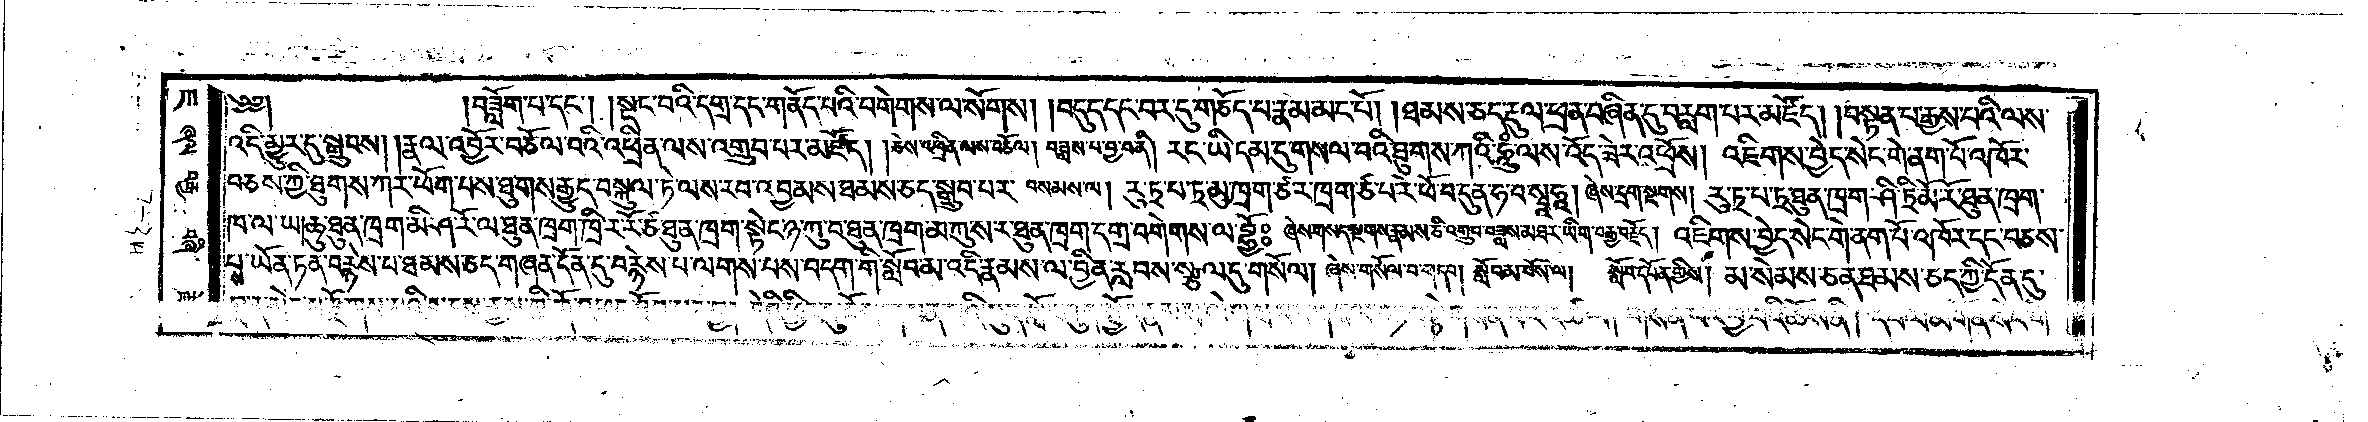༄༅། །བཟློག་པ་དང་། །སྡང་བའི་དགྲ་དང་གནོད་པའི་བགེགས་ལ་སོགས། །བདུད་དང་བར་དུ་གཅོད་པ་རྣམ་མང་པོ། །ཐམས་ཅད་རྡུལ་ཕྲན་བཞིན་དུ་བརླག་པར་མཛོད། །བསྟན་པ་རྒྱས་པའི་ལས་
འདི་མྱུར་དུ་སྒྲུབས། །རྣལ་འབྱོར་བཅོལ་བའི་འཕྲིན་ལས་འགྲུབ་བར་མཛོད། །ཅེས་འཕྲིན་ལས་བཅོལ། བཟླས་པ་བྱ་བ་ནི།  རང་ཡི་དམ་དུ་གསལ་བའི་ཐུགས་ཀའི་ཧཱུཾ་ལས་འོད་ཟེར་འཕྲོས། འཇིགས་བྱེད་སེང་གེ་ནག་པོ་འཁོར་
བཅས་ཀྱི་ཐུགས་ཀར་ཕོག་པས་ཐུགས་རྒྱུད་བསྐུལ་ཏེ་ལས་རབ་འབྱམས་ཐམས་ཅད་སྒྲུབ་པར་བསམས་ལ།  རུ་ཏྲ་པ་ཏྲ་མུ་ཁྲག་ཙ་ར་ཁྲག་ཙ་པ་རེ་ཕོ་བདུན་ཧ་བ་སྭཱཧཱ། ཞེས་དྲག་སྔགས།  རུ་ཏྲ་པ་ཏྲ་ཐུན་ཁྲག་ཤི་ཏྲི་མོ་རོ་ཐུན་ཁྲག་
ཁ་ལ་ཡ་ཆ་ཐུན་ཁྲག་མི་ཤ་རོ་ལ་ཐུན་ཁྲག་ཁྲི་ར་རོ་ཙ་ཐུན་ཁྲག་སྟེང་ཉ་ཀུ་བ་ཐུན་ཁྲག་མ་ཀུ་སར་ཐུན་ཁྲག་དགྲ་བགེགས་ལ་བྷྱོཿ ཞེས་བསང་སྔགས་རྣམས་ཅི་འགྲུབ་བཟླས་མཐར་ཡིག་བརྒྱ་བརྗོད།  འཇིགས་བྱེད་སེང་གེ་ནག་པོ་འཁོར་དང་བཅས་
པས་ཡོན་ཏན་བརྙེས་པ་ཐམས་ཅད་གཞན་དོན་དུ་བརྙེས་པ་ལགས་པས་བདག་གི་སློབ་མ་འདི་རྣམས་ལ་བྱིན་རླབས་སྩལ་དུ་གསོལ། ཞེས་གསོལ་བ་གདབ། སློབ་མ་བོས་ལ། སློབ་དཔོན་གྱིས།  མ་སེམས་ཅན་ཐམས་ཅད་ཀྱི་དོན་དུ་
བླ་ན་མེད་པ་རྫོགས་པའི་སངས་རྒྱས་ཀྱི་གོ་འཕང་ཐོབ་པར་བྱ། དེའི་ཕྱིར་དུ་ཆོས་གསན་པའི་ཀུན་སློང་ཀུན་སྤྱོད་རྣམས་ལེགས་པར་གསལ་བཏབ་སྟེ་གསན་པར་འཚལ། གསན་པར་བྱ་བའི་ཆོས་ནི། དཔལ་མགོན་སེང་གེ་